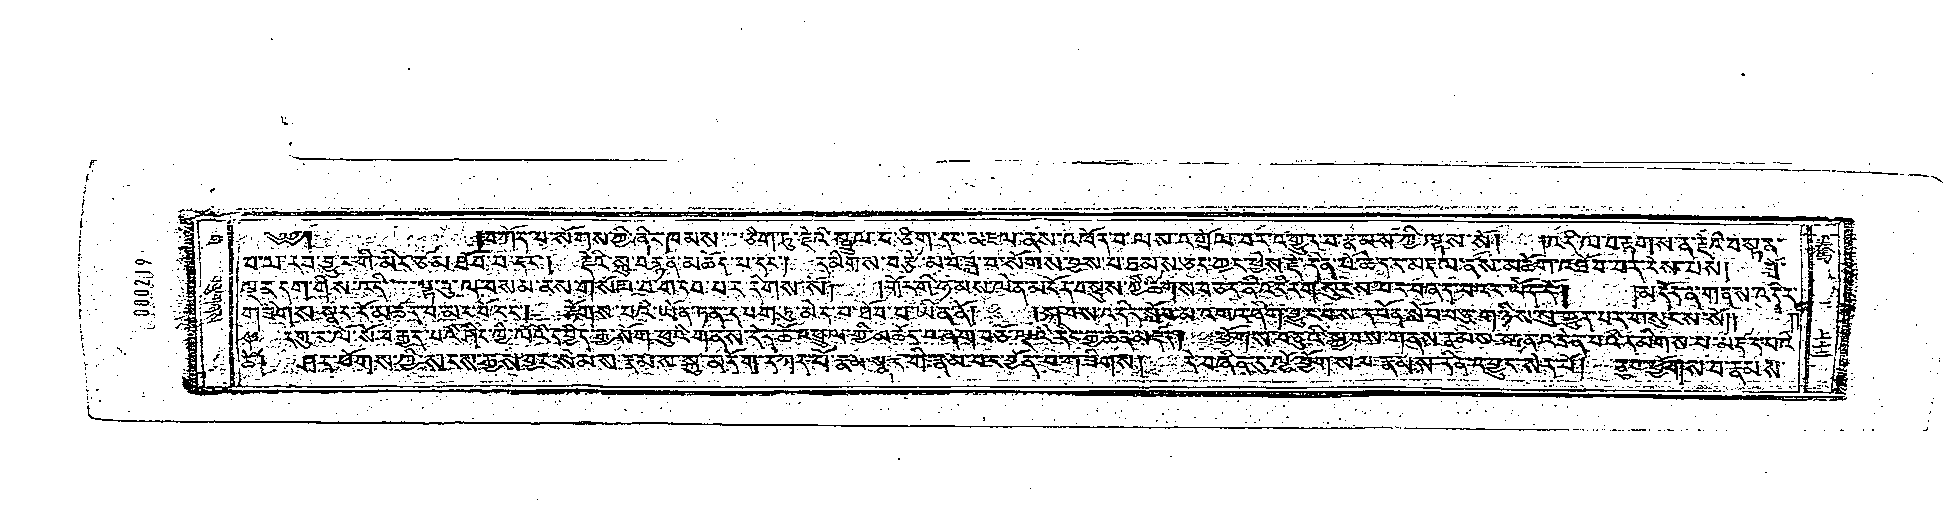༄༅། །བཀོད་པ་སོགས་ཀྱི་ཞིང་ཁམས་ཅིག་ཏུ་རྗེའི་སྤྲུལ་པ་ཅིག་དང་མཇལ་ནས་འཁོར་བ་ལས་འགྲོ་བར་འགྱུར་བ་རྣམས་ཀྱི་ལྟས་སོ། །འདི་ལ་བརྟགས་ན་རྗེའི་བསྟན་
བ་ལ་རབ་བྱུང་གི་མིང་ཙམ་ཐོབ་པ་དང་། རྗེའི་སྐུ་བརྙན་མཆོད་བ་དང་། དམིགས་བརྩེ་མ་བཟླ་བ་སོགས་བྱས་པ་ཐམས་ཅད་ཀྱང་ཕྱིས་རྗེ་རིན་པོ་ཆེ་དང་མཇལ་ནས་མཆོག་འཐོབ་བར་ངེས་པས། བློ་
ལྡན་དག་གིས་འདི་ལྟ་བུ་ལ་བསམ་ནས་གསོལ་བ་གདབ་བར་རིགས་སོ། །གོད་གི་ཉམས་ལེན་མདོར་བསྡུས་ཀྱི་ཚིགས་བཅད་ནི་འདིར་གསུངས་བར་བཞད་པའང་ཡོད་དོ། །མདོར་ན་གནས་འདིར་
གཟིགས་སྣང་ངོ་མཚར་བ་མང་པོ་དང་། རྟོགས་བའི་ཡོན་ཏན་དཔག་ཏུ་མེད་པ་ཐོབ་པ་ཡིན་ནོ། །སྐབས་འདིར་སློབ་མ་འགའ་ཞིག་བྱུང་བ་ས་དཔོན་སློབ་བཅུ་གཉིས་སུ་གྱུར་པར་གསུངས་སོ།། །།
༈ དགུ་ང་ལོ་སོ་བརྒྱད་པའི་ཤིང་ཁྱི་ལོའི་དཔྱིད་རྒྱ་སོག་ཕུའི་གནས་དེར་ཆོ་འཕྲུལ་གྱི་མཆོད་བ་ཞག་བཅོ་ལྔའི་རིང་རྒྱ་ཆེན་མཛད། ཕྱོགས་བཅུའི་སྐྱབས་གནས་རྣམས་སྤྱན་འདྲེན་པའི་དམིགས་པ་མཛད་པའི་
ཚེ། ཤར་ཕྱོགས་ཀྱི་སངས་རྒྱས་བྱང་སེམས་རྣམས་སྐུ་མདོག་དཀར་པོ་རྣམ་སྣང་གི་རྣམ་པར་བྱོན་བ་གཟིགས། དེ་བཞིན་དུ་ལྷོ་ཕྱོགས་པ་རྣམས་རིན་འབྱུང་སེར་པོ། ནུབ་ཕྱོགས་པ་རྣམས་